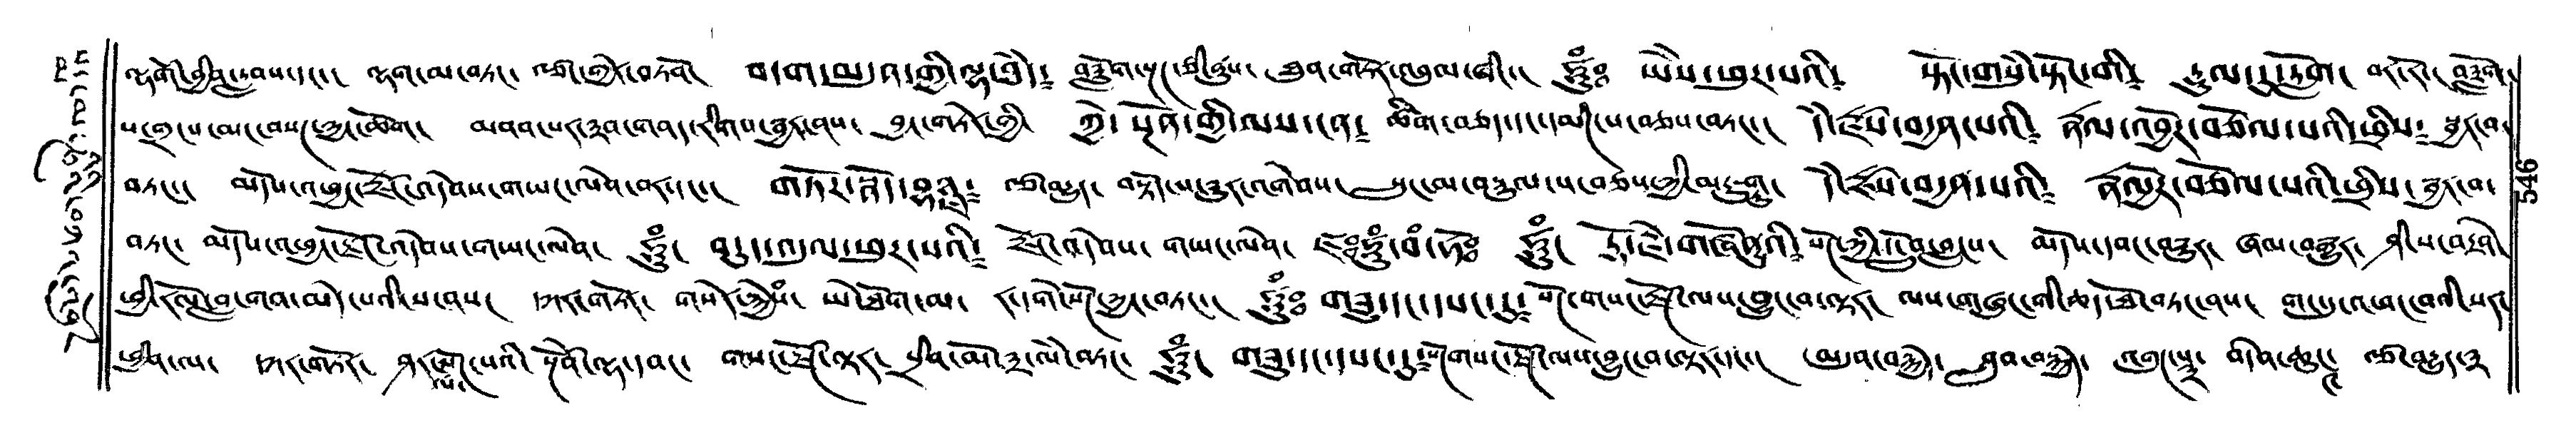ལྷག་མ་བྱིན་རླབས་དང་། ལྷག་མ་གཏང་། རྩང་གྱེར་འདོན། བདག་མདུན་གྱི་ལྷ་ཐམས་ཅད༴ བཟློག་སྔགས་ཅི་ནུས། ཐུན་གཏོར་འབུལ་ཞིང་། ཧཱུྃ༔ ཡེ་ཤེས་ཕུར་པའི༴ སྟོང་གསུམ་སྟོང་གི༴ རྡུལ་དུ་རློགས༔ བར་རོ། བཟློག་
པ་གྲངས་མང་བསགས་ཀྱང་ཆོག མནན་པར་ཟབ་གནད་རིགས་སྦྱར་ནས། བྱང་གཏེར་གྱི། ཀྱེ། སྔོན་གྱི་ལས་ངན༴ ཚིགས་བཅད་དང་དམིགས་པ་བཅས་གཏང་། དམ་རྫས་བརྒྱན་པའི༴ རྣལ་འབྱོར་བཅོལ་པའི་ཕྲིན་ལས༴ སྦྱར་བ་
གཏང་། མདོས་འཕྱང་རྫོང་འདེབས་གཡང་ལེན་བར་དང་། གཏོར་སྣོད་བྷཉྫ༴ རྩ་བརྒྱུད། བསྟོད་པ་ཟུར་འགེབས། སྲུང་མ་བསྐུལ་པ་བཅས་ཀྱི་མཇུག་ཏུ། དམ་རྫས་བརྒྱན་པའི༴ རྣལ་འབྱོར་བཅོལ་པའི་ཕྲིན་ལས༴ སྦྱར་བ་
བཏང་། མདོས་འཕྱང་རྫོང་འདེབས་གཡང་ལེན། ཧཱུྃ༔ བདུད་འདུལ་ཕུར་པའི༴ རྫོང་འདེབས། གཡང་ལེན། ཛཿཧཱུྃ་བཾ་ཧོ༔ ཧཱུྃ༔ རྡོ་རྗེ་གཞོན་ནུའི༴ སོགས་ཀྱི་དངོས་གྲུབ་བླང་། མདོས་དབང་བསྐུར། ཞལ་བསྒྱུར། ཤི་ས་བརྟེན་
ཕྱི་རོལ་བླ་གབ་མེད་པའི་ས་ནས། དཀར་གཏོར། གསེར་སྐྱེམས། ཡེ་ཐོག་མ། ར་དགེ་སོགས་ཀྱང་གཏང་། ཧཱུྃ༔ གཟུ་དང་དཔང་དུ༴ སོགས་གསང་རྫོགས་ལས་བྱུང་བ་ལྟར། ལས་གཞུང་གི་ཆད་ཐོ་བཏང་ནས། གང་དུ་འཕང་བའི་སར་
ཕྱིན་ལ། དཀར་གཏོར། ཤར་ལ་སོགས་པའི་སྔོན་ནམ་ལྷ་དབང་། གསང་རྫོགས་ལྟར། སྲིན་མོ་ཟ་ལམ་བཏང་། ཧཱུཾ། གཟུ་དང་དཔང་དུ༴ སོགས་གསང་རྫོགས་ལས་བྱུང་བ་ལྟར་དང་། མདུན་བསྐྱེད། བྲུབ་བསྐྱེད། འགུགས་པ་གསུམ། བདེན་ཆུང་བཞི། རྩ་བརྒྱུད་གསུམ།